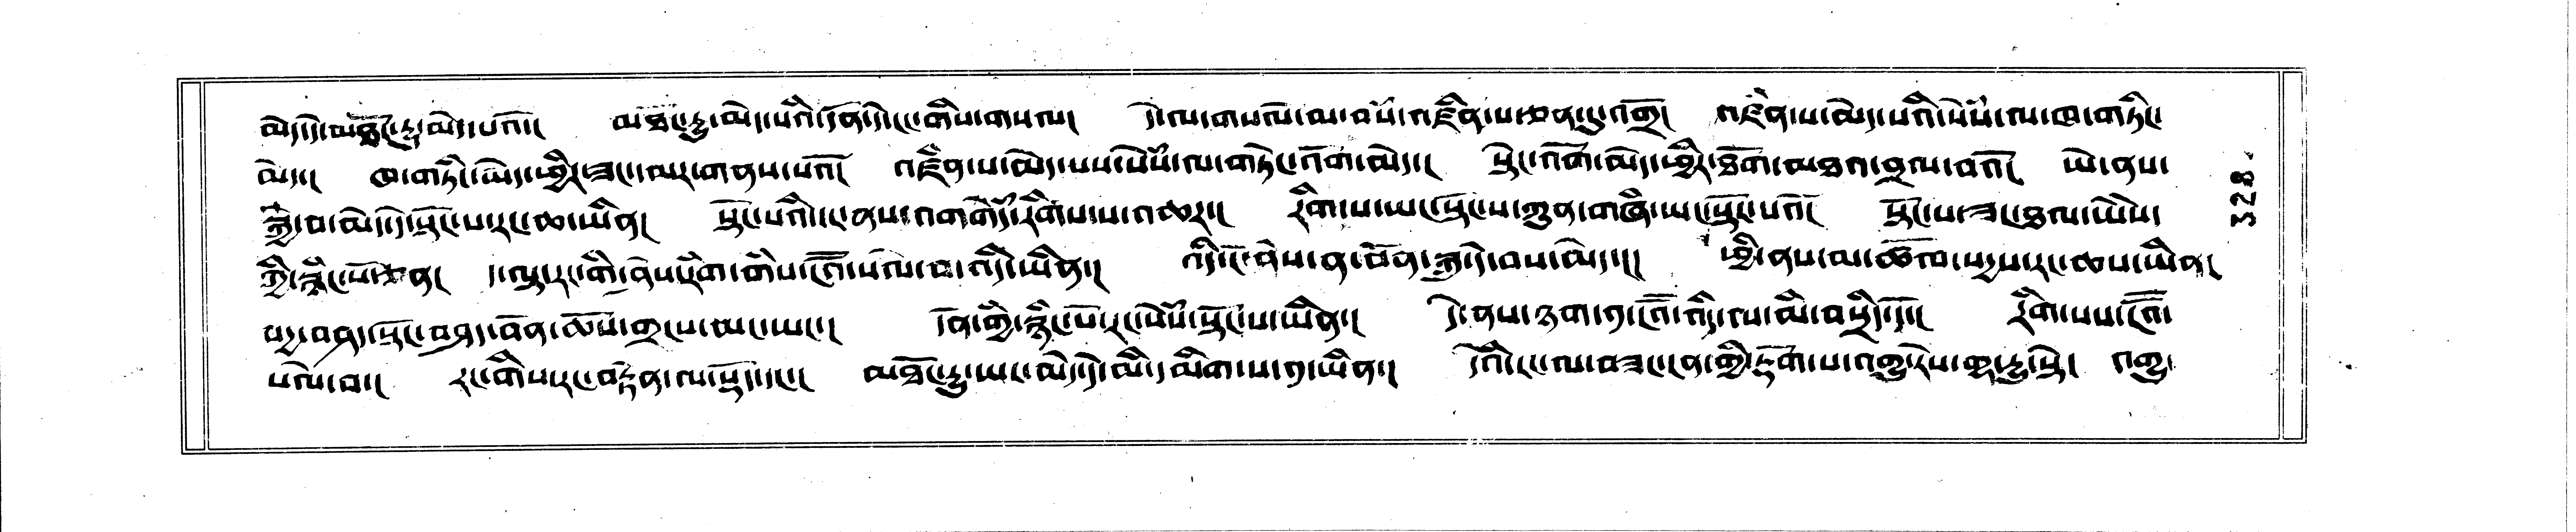མེད་དེ་མཐོང་རྒྱུ་མེད་པའོ། མཐོང་རྒྱུ་མེད་པའི་དོན་དེ་ངང་གིས་གསལ། དེ་ལ་གསལ་ལོ་མ་བསམ་འཛིན་པ་ཅན་དུ་འགྲོ། འཛིན་པ་མེད་པའི་སེམས་ལ་ཁ་གཏིང་
མེད། ཁ་གཏིང་མེད་ཕྱིར་ཟངས་མར་གནས་པའོ། འཛིན་པ་མེད་པའི་སེམས་ལ་སྟེང་འོག་མེད། སྟེང་འོག་མེད་ཕྱིར་ཐོག་མཐའ་བྲལ་བའོ། ཡེ་ནས་
སྐྱེ་བ་མེད་དེ་སྟོང་པ་རང་ཆས་ཡིན། སྟོང་པའི་ངང་ནས་འགག་མེད་རིག་པ་འཆར། རིག་པ་ཡང་སྟོང་ལ་ཀུན་གཞི་ཡང་སྟོང་པའོ། སྟོང་པ་ཟངས་ཏལ་༼ཐལ༽ཡེ་ཤེས་
ཀྱིས་སྙིང་པོ་ཅན། ད་ལྟ་རང་༼གི༽གིས་ཤེས་རིག་གིས་ངོའོ་སལེ་བ་འདི་ཡིན། འདི་ངོ་ཤེས་ན་བོན་སྐུ་ལས་དེ་བེས་མེད། ཕྱི་ན་མ་ཚོལ་སངས་རྒྱས་རང་སེམས་ཡིན། 
བརྒྱ་བཤད་སྟོང་བཤད་བོན་ཆོས་གྲངས་མང་ཡང་། དོན་གྱིས་སྙིང་པོ་རང་སེམས་སྟོང་པ་ཡིན། དེ་ན་ཉག་ཅིག་ངོའོ་འདི་ལས་ཡོད་མི་སྲིད་དོ། རིག་པའི་ངོའོ་
སལེ་བ། རང་གིས་རང་བསྟན་”བརྟེན”ལ་སྡོད་དང་། མཐོང་རྒྱུ་ཡང་མེད་དེ། མི་དམིགས་པ་ཅིག་ཡོད་པ་ཡིན། དེའི་ངང་ལ་བཟང་ངན་གྱིས་རྟོག་པ་ཏུར་ཀྱུང་རེ་གྷའ་(འགའ)འགྱུ་སྟེ། འགྱུ་